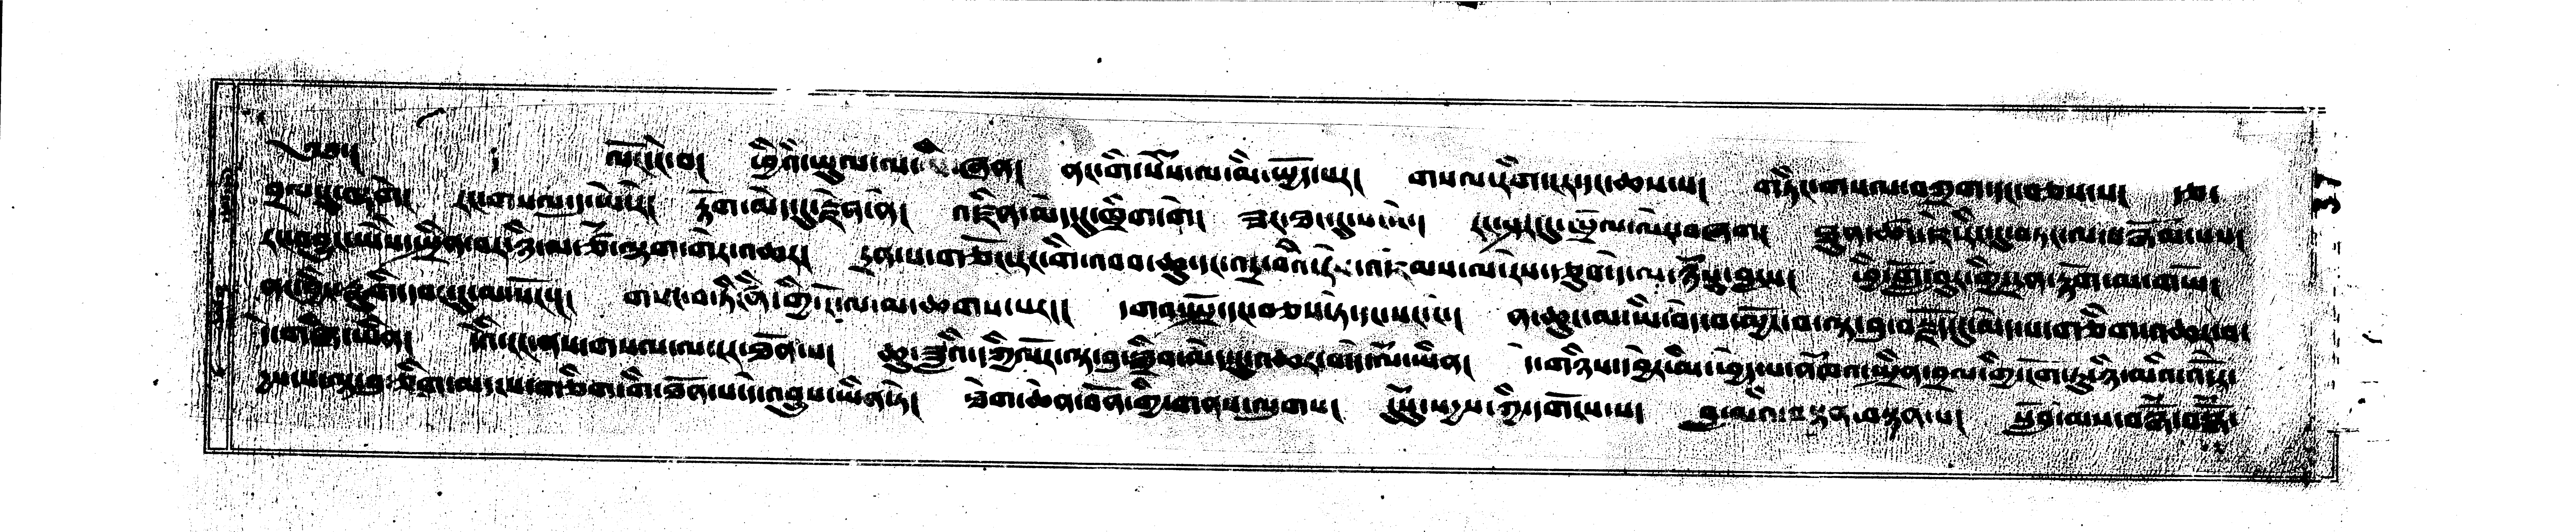ལོང་ངེ་བ། ཕྱིའི་ཡུལ་ལ་མི་ཞེན། ནང་གི་སེམས་ལ་མི་སྤྱོད་པར། གསལ་རིག་ངར་དང་ཆས་པ། གཏིང་གསལ་བཀྲག་དང་བཅས་པ། རྩ་
བྲལ་དུ་ལྷག་གེ རང་གསལ་དུ་ཡེ་རེ། རྟོག་མེད་དུ་རྗེན་ནེ། འཛིན་མེད་དུ་ཁྲེག་གེ ཟང་ཐལ་དུ་སང་ངེ་། རང་ཤར་དུ་ཁྲོལ་ལེར་བཞག ཐུན་ཚད་ཇེ་རིང་དུ་བཏང་ལ་བསྒོམ་པས། 
རང་བྱུང་ཡེ་ཤེས་སྤྲིན་བར་གྱི་ཉི་མ་ཙམ་ལྷག་གེར་འཆར། དྲན་པ་གཅོང་རོང་གི་འབབ་ཆུ་དང་འདྲ་བའི་རེས་འཇམ་ལ་རེས་རྩུབ་དེ་ལ་ཉམས་སུ་བླང་། ཕྱི་གློ་བུར་གྱི་དྲན་རྟོག་མ་གཡོ།
 ནང་བྱིང་རྨུགས་ཀྱི་དབང་དུ་མ་སོང་། གསང་བ་ཏིང་འཛིན་གྱི་རོ་ལ་མ་ཆགས་པར། དགའ་སྤྲོ་དང་བཅས་ཏེ་དང་སང་ངེ་བ། ནང་ཆུང་མ་ཡི་བདེ་བ་མྱོང་བ་ལྟ་བུ་བརྗོད་དུ་མེད་པ་ལྟ་བུ་ཞིག་འཆར་བ་
དེ་གཞི་ཡིན། དེའི་ངང་ནས་གསལ་ལ་ངར་ཐོན་པ། ཆུ་ཟླའི་དཀྱིལ་འཁོར་ལྟ་བུ་སྒྲིབ་མེད་དུ་འཆར་བ་དེ་ལམ་ཡིན། དེ་གཉིས་དབྱེར་མི་ཕྱེད་པ་ནམ་མཁའ་སྤྲིན་བྲལ་གྱི་ངོགས་སུ་ཉི་མའི་འོད་ཟེར་
རྒྱས་པ་ལྟ་བུ་གཅིག་མདངས་གཅིག་གིས་ཐོན་པ་དེ་འབྲས་བུ་ཡིན་ཏེ། ཐེག་ཆེན་བོན་གྱི་གནས་ལུགས། དུས་གསུམ་སངས་རྒྱས་ཀྱི་དགོངས་པ། བླ་མས་བསྟན་པ་བསྟན་པ་དང་། སློབ་མས་བསྒོམ་པ་བསྒོམ་